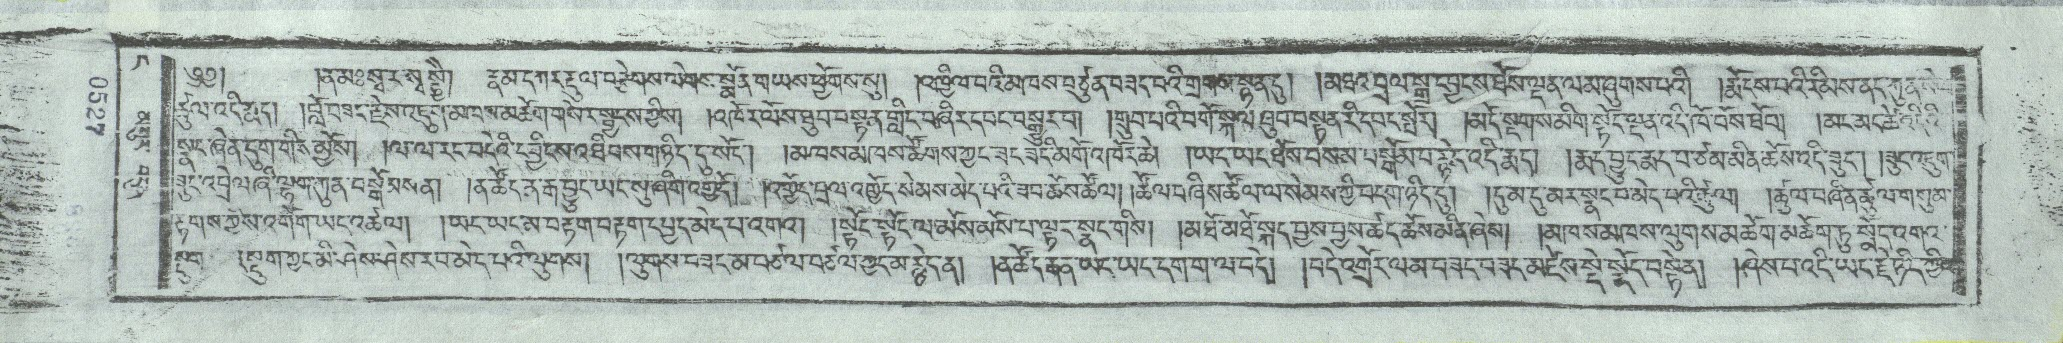༄༅། །ན་མཿ སྭ་ར་སྭ་སྟྱཻ། རྣམ་དཀར་རྡུལ་བརྩེགས་ལེགས་སྨོན་གཡས་ཕྱོགས་སུ། །འཁྱིལ་བའི་མཁས་བཙུན་བཟང་བའི་གྲགས་སྙན་དུ། །མཐའ་བྲལ་སྒྲ་དབྱངས་ཐོས་ལྡན་ལམ་ཞུགས་པའི། །རྨོངས་པའི་རིམས་ནང་ཀུན་སེལ་
ཚུལ་འདི་རྨད། །བློ་བཟང་རྗེས་འཇུག་མཁས་མཆོག་གསེར་སྦྱངས་ཀྱིས། །འཁོར་ལོས་ཐུབ་བསྟན་གླིང་བཞིར་དབང་བསྒྱུར་བ། །གྲུབ་པའི་བགོ་སྐལ་ཐུབ་བསྟན་རི་དབང་སྤོར། །མདོ་སྔགས་མིག་སྟོང་ལྡན་འདི་ཁོ་བོས་ཐོབ། །མང་མང་ཚེ་འདིའི་
སྣང་ཞེན་དྲུག་གིས་མྱོས། །ལ་ལ་རང་བདེའི་དབྱིངས་འཐིབས་གཉིད་དུ་སོང་། །མཁས་མཁས་ཚོགས་ཀྱང་ཟང་ཟིང་མགོ་འཁོར་ཆེ། །ཡང་ཡང་ཐོས་བསམ་པ་སྒོམ་པ་རྙེད་འདི་རྨད། །རྨད་བྱུང་རྨད་པ་ཙམ་མིན་ཆོས་འདི་ཟུང་། །ཟུང་འཇུག་
ཟུང་འབྲེལ་ཞི་ལྷག་ཀུན་བསྒོམས་ན། །ན་ཚོད་ན་རྒ་བྱུང་ཡང་སུ་ཞིག་འགྱོད། །འགྱོད་བྲལ་འགྱོད་སེམས་མེད་པའི་ཟབ་ཆོས་ཚོལ། །ཚོལ་བཞིས་ཚོལ་ལ་སེམས་ཀྱི་བདག་ཉིད་དུ། །དུ་མ་དུ་མར་སྣང་བ་མེད་པའི་ཚུལ། །ཚུལ་བཞིན་ཚུལ་གསུམ་
རྟགས་ཀྱིས་འགོག་ཡང་འཚལ། །ཡང་ཡང་མ་བརྟག་བརྟག་དཔྱད་མེད་པ་འགའ། །སྟོང་སྟོང་ལ་མོས་མོས་པ་ལྟར་སྣང་གིས། །མཐོ་མཐོ་སྐད་བྱས་བྱས་ཚད་ཆོས་མིན་ཞེས། །མཁས་མཁས་ལུགས་མཆོག་མཆོག་ཏུ་སྨེད་འགའ་
སྡུག ༑སྡུག་ཀྱང་མི་ཤེས་ཤེས་རབ་མེད་པའི་ལུགས། །ལུགས་བཟང་མ་བཙལ་བཙལ་ཀྱང་མ་རྙེད་ན། །ན་ཚོད་རྒན་ཡང་ཡང་དག་ག་ལ་བདེ། །བདེ་འགྲོར་ལམ་བཟང་བཟང་མཛེས་སྡེ་སྣོད་བསྟེན། །ཞེས་པ་འདི་ཡང་རྗེ་ཉིད་ཀྱིས་